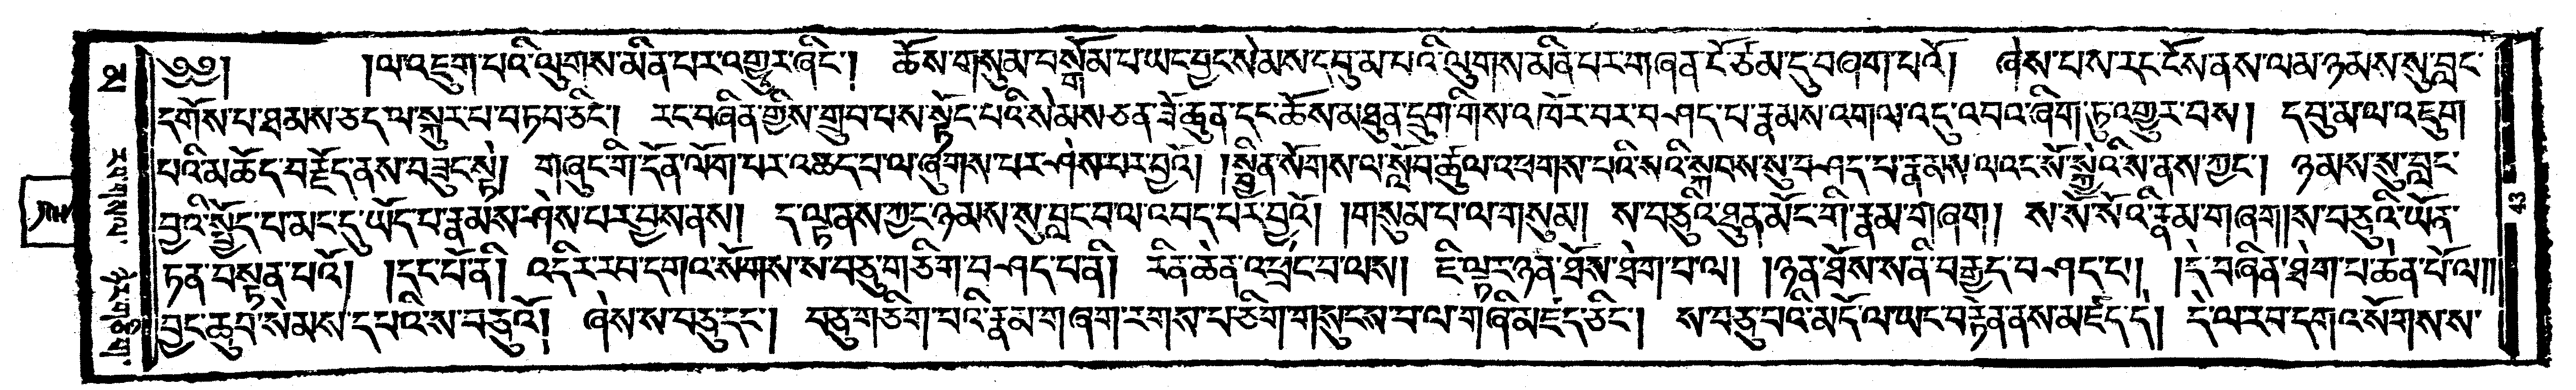༄༅། །ལ་འཇུག་པའི་ལུགས་མིན་པར་འགྱུར་ཞིང་། ཆོས་གསུམ་བསྒོམ་པ་ཡང་བྱང་སེམས་དབུ་མ་པའི་ལུགས་མིན་པར་གཞན་ངོ་ཙམ་དུ་བཞག་པའོ། ཞེས་པས་རང་ངོས་ནས་ལམ་ཉམས་སུ་བླང་
དགོས་པ་ཐམས་ཅད་ལ་སྐུར་བ་བཏབ་ཅིང་། རང་བཞིན་གྱིས་གྲུབ་པས་སྟོང་པའི་སེམས་ཅན་ཟོ་ཆུན་དང་ཆོས་མཐུན་དྲུག་གིས་འཁོར་བར་བཤད་པ་རྣམས་འགལ་འདུ་འབའ་ཞིག་ཏུ་འགྱུར་བས། དབུ་མ་ལ་འཇུག་
པའི་མཆོད་བརྗོད་ནས་བཟུང་སྟེ། གཞུང་གི་དོན་ལོག་པར་འཆད་པ་ལ་ཞུགས་པར་ཤེས་པར་བྱའོ། །སྦྱིན་སོགས་ལ་སློབ་ཚུལ་འཕགས་པའི་སའི་སྐབས་སུ་བཤད་པ་རྣམས་ལའང་སོ་སྐྱེའི་ས་ནས་ཀྱང་། ཉམས་སུ་བླང་
བྱའི་སྤྱོད་པ་མང་དུ་ཡོད་པ་རྣམས་ཤེས་པར་བྱས་ནས། ད་ལྟ་ནས་ཀྱང་ཉམས་སུ་བླང་བ་ལ་འབད་པར་བྱའོ། །གསུམ་པ་ལ་གསུམ། ས་བཅུའི་ཐུན་མོང་གི་རྣམ་གཞག། ས་སོ་སོའི་རྣམ་གཞག། ས་བཅུའི་ཡོན་
ཏན་བསྟན་པའོ། །དང་པོ་ནི། འདིར་རབ་དགའ་སོགས་ས་བཅུ་གཅིག་བཤད་པ་ནི། རིན་ཆེན་འཕྲེང་བ་ལས། ཇི་ལྟར་ཉན་ཐོས་ཐེག་པ་ལ། །ཉན་ཐོས་ས་ནི་བརྒྱད་བཤད་པ། །དེ་བཞིན་ཐེག་པ་ཆེན་པོ་ལ།།
བྱང་ཆུབ་སེམས་དཔའི་ས་བཅུའོ། ཞེས་ས་བཅུ་དང་། བཅུ་གཅིག་པའི་རྣམ་གཞག་རགས་པ་ཅིག་གསུངས་པ་ལ་གཞི་མཛད་ཅིང་། ས་བཅུ་པའི་མདོ་ལ་ཡང་བརྟེན་ནས་མཛད་དེ། དེ་ལ་རབ་དགའ་སོགས་ས་